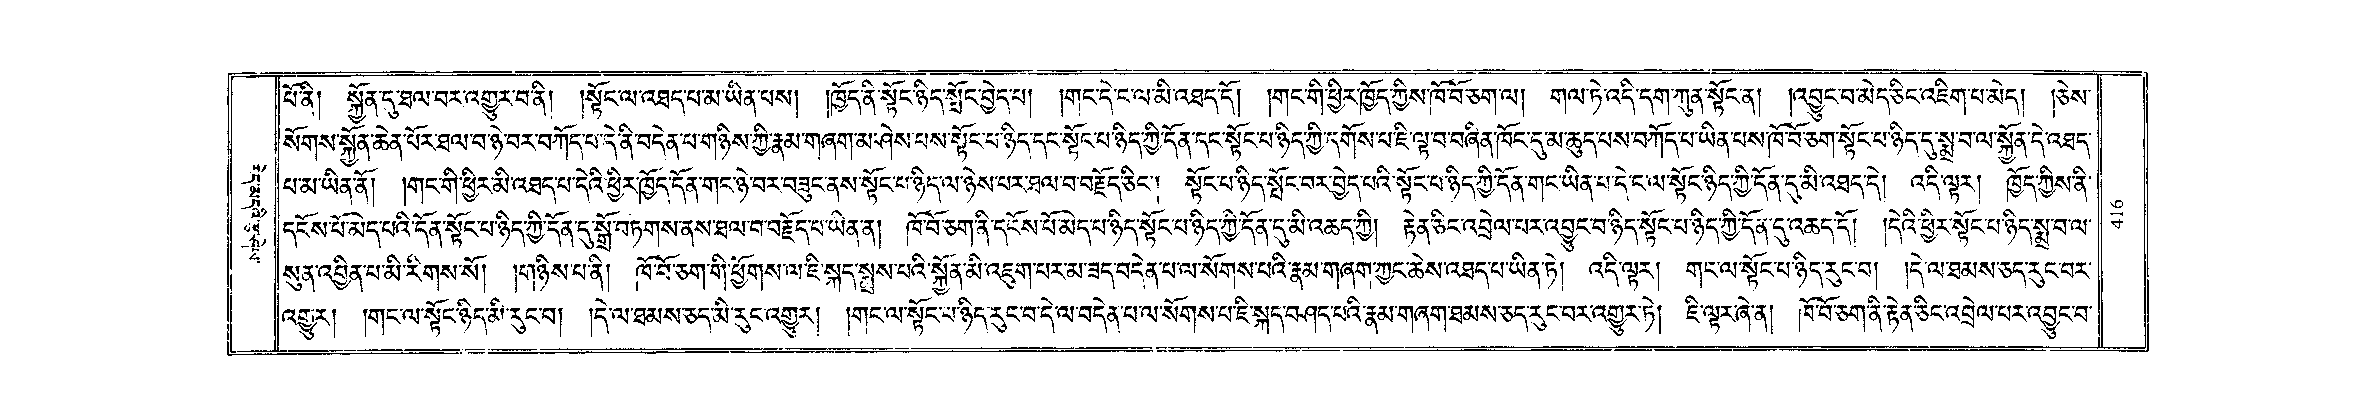པོ་ནི། སྐྱོན་དུ་ཐལ་བར་འགྱུར་བ་ནི། །སྟོང་ལ་འཐད་པ་མ་ཡིན་པས། །ཁྱོད་ནི་སྟོང་ཉིད་སྤོང་བྱེད་པ། །གང་དེ་ང་ལ་མི་འཐད་དོ། །གང་གི་ཕྱིར་ཁྱོད་ཀྱིས་ཁོ་བོ་ཅག་ལ། གལ་ཏེ་འདི་དག་ཀུན་སྟོང་ན། །འབྱུང་བ་མེད་ཅིང་འཇིག་པ་མེད། །ཅེས་
སོགས་སྐྱོན་ཆེན་པོར་ཐལ་བ་ཉེ་བར་བཀོད་པ་དེ་ནི་བདེན་པ་གཉིས་ཀྱི་རྣམ་གཞག་མ་ཤེས་པས་སྟོང་པ་ཉིད་དང་སྟོང་པ་ཉིད་ཀྱི་དོན་དང་སྟོང་པ་ཉིད་ཀྱི་དགོས་པ་ཇི་ལྟ་བ་བཞིན་ཁོང་དུ་མ་ཆུད་པས་བཀོད་པ་ཡིན་པས་ཁོ་བོ་ཅག་སྟོང་པ་ཉིད་དུ་སྨྲ་བ་ལ་སྐྱོན་དེ་འཐད་
པ་མ་ཡིན་ནོ། །གང་གི་ཕྱིར་མི་འཐད་པ་དེའི་ཕྱིར་ཁྱོད་དོན་གང་ཉེ་བར་བཟུང་ནས་སྟོང་པ་ཉིད་ལ་ཉེས་པར་ཐལ་བ་བརྗོད་ཅིང་། སྟོང་པ་ཉིད་སྤོང་བར་བྱེད་པའི་སྟོང་པ་ཉིད་ཀྱི་དོན་གང་ཡིན་པ་དེ་ང་ལ་སྟོང་ཉིད་ཀྱི་དོན་དུ་མི་འཐད་དེ། འདི་ལྟར། ཁྱོད་ཀྱིས་ནི་
དངོས་པོ་མེད་པའི་དོན་སྟོང་པ་ཉིད་ཀྱི་དོན་དུ་སྒྲོ་བཏགས་ནས་ཐལ་བ་བརྗོད་པ་ཡིན་ན། ཁོ་བོ་ཅག་ནི་དངོས་པོ་མེད་པ་ཉིད་སྟོང་པ་ཉིད་ཀྱི་དོན་དུ་མི་འཆད་ཀྱི། རྟེན་ཅིང་འབྲེལ་པར་འབྱུང་བ་ཉིད་སྟོང་པ་ཉིད་ཀྱི་དོན་དུ་འཆད་དོ། །དེའི་ཕྱིར་སྟོང་པ་ཉིད་སྨྲ་བ་ལ་
སུན་འབྱིན་པ་མི་རིགས་སོ། །གཉིས་པ་ནི། ཁོ་བོ་ཅག་གི་ཕྱོགས་ལ་ཇི་སྐད་སྨྲས་པའི་སྐྱོན་མི་འཇུག་པར་མ་ཟད་བདེན་པ་ལ་སོགས་པའི་རྣམ་གཞག་ཀྱང་ཆེས་འཐད་པ་ཡིན་ཏེ། འདི་ལྟར། གང་ལ་སྟོང་པ་ཉིད་རུང་བ། །དེ་ལ་ཐམས་ཅད་རུང་བར་
འགྱུར། །གང་ལ་སྟོང་ཉིད་མི་རུང་བ། །དེ་ལ་ཐམས་ཅད་མི་རུང་འགྱུར། །གང་ལ་སྟོང་པ་ཉིད་རུང་བ་དེ་ལ་བདེན་པ་ལ་སོགས་པ་ཇི་སྐད་བཤད་པའི་རྣམ་གཞག་ཐམས་ཅད་རུང་བར་འགྱུར་ཏེ། ཇི་ལྟར་ཞེ་ན། །ཁོ་བོ་ཅག་ནི་རྟེན་ཅིང་འབྲེལ་པར་འབྱུང་བ་